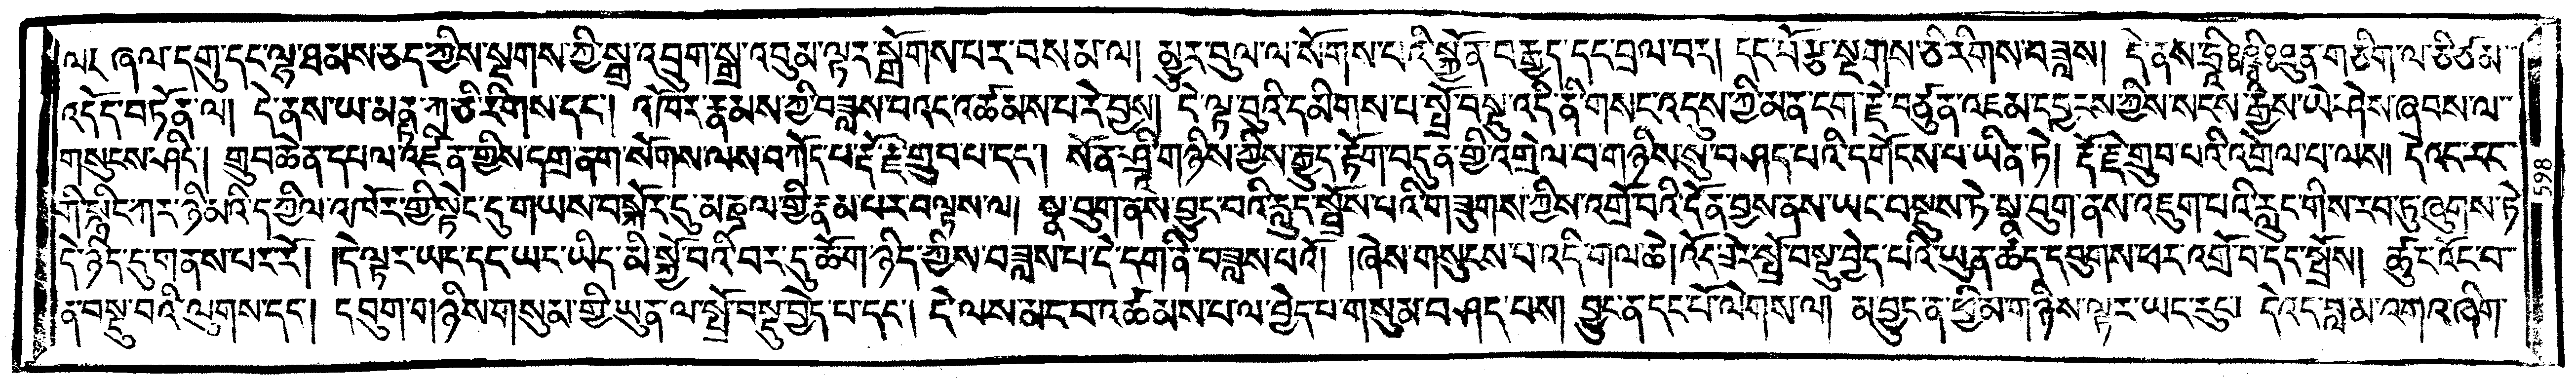ལ༑ ཞལ་དགུ་དང་ལྷ་ཐམས་ཅད་ཀྱིས་སྔགས་ཀྱི་སྒྲ་འབྲུག་སྒྲ་འབུམ་ལྟར་སྒྲོགས་པར་བསམ་ལ། མྱུར་བུལ་ལ་སོགས་པའི་སྐྱོན་བརྒྱད་དང་བྲལ་བར། དང་པོ་རྩ་སྔགས་ཅི་རིགས་བཟླས། དེ་ནས་ཧྲཱིཿཥྚཱིཿཐུན་གཅིག་ལ་ཅི་ཙམ་
འདོད་བཏོན་ལ། དེ་ནས་ཡ་མནྟ་ཀ་ཅི་རིགས་དང་། འཁོར་རྣམས་ཀྱི་བཟླས་པའང་འཚམས་པ་རེ་བྱས། དེ་ལྟ་བུའི་དམིགས་པ་སྤྲོ་བསྡུ་འདི་ནི་གསང་འདུས་ཀྱི་མན་ངག་རྗེ་བཙུན་འཇམ་དབྱངས་ཀྱིས་སངས་རྒྱས་ཡེ་ཤེས་ཞབས་ལ་
གསུངས་ཤིང་། གྲུབ་ཆེན་དཔལ་འཛིན་གྱིས་དགྲ་ནག་སོགས་ལས་བཀོད་པ་རྡོ་རྗེ་གྲུབ་པ་དང་། སོན་ཤྲཱི་གཉིས་ཀྱིས་རྒྱུད་རྟོག་བདུན་གྱི་འགྲེལ་བ་གཉིས་སུ་བཤད་པའི་དགོངས་པ་ཡིན་ཏེ། རྡོ་རྗེ་གྲུབ་པའི་འགྲེལ་པ་ལས། དེའང་རང་
གི་སྙིང་ཀར་ཉི་མའི་དཀྱིལ་འཁོར་གྱི་སྟེང་དུ་གཡས་བསྐོར་དུ་མཎྜལ་གྱི་རྣམ་པར་བལྟས་ལ། སྣ་བུག་ནས་བྱུང་བའི་རླུང་སྤྲོས་པའི་གཟུགས་ཀྱིས་འགྲོ་བའི་དོན་བྱས་ནས་ཡང་བསྡུས་ཏེ་སྣ་བུག་ནས་འཇུག་པའི་རླུང་གིས་རབ་ཏུ་ཞུགས་ཏེ་
དེ་ཉིད་དུ་གནས་པར་རོ། །དེ་ལྟར་ཡང་དང་ཡང་ཡིད་མི་སྐྱོ་བའི་བར་དུ་ཆོ་ག་ཉིད་ཀྱིས་བཟླས་པ་དེ་དག་ནི་བཟླས་པའོ། །ཞེས་གསུངས་པ་འདི་གལ་ཆེ། འོད་ཟེར་སྤྲོ་བསྡུ་བྱེད་པའི་ཡུན་ཚད་དབུགས་ཕར་འགྲོ་བ་དང་སྤྲོས། ཚུང་འོང་བ་
ན་བསྡུ་བའི་ལུགས་དང་། དབུག་གཉིས་གསུམ་གྱི་ཡུན་ལ་སྤྲོ་བསྡུ་བྱེད་པ་དང་། དེ་ལས་མང་བ་འཚམས་པ་ལ་བྱེད་པ་གསུམ་བཤད་པས། བྱུང་ན་དང་པོ་ལེགས་ལ། མ་བྱུང་ན་ཕྱི་མ་གཉིས་ལྟར་ཡང་རུང་། དེའང་བླ་མ་འགའ་ཞིག་